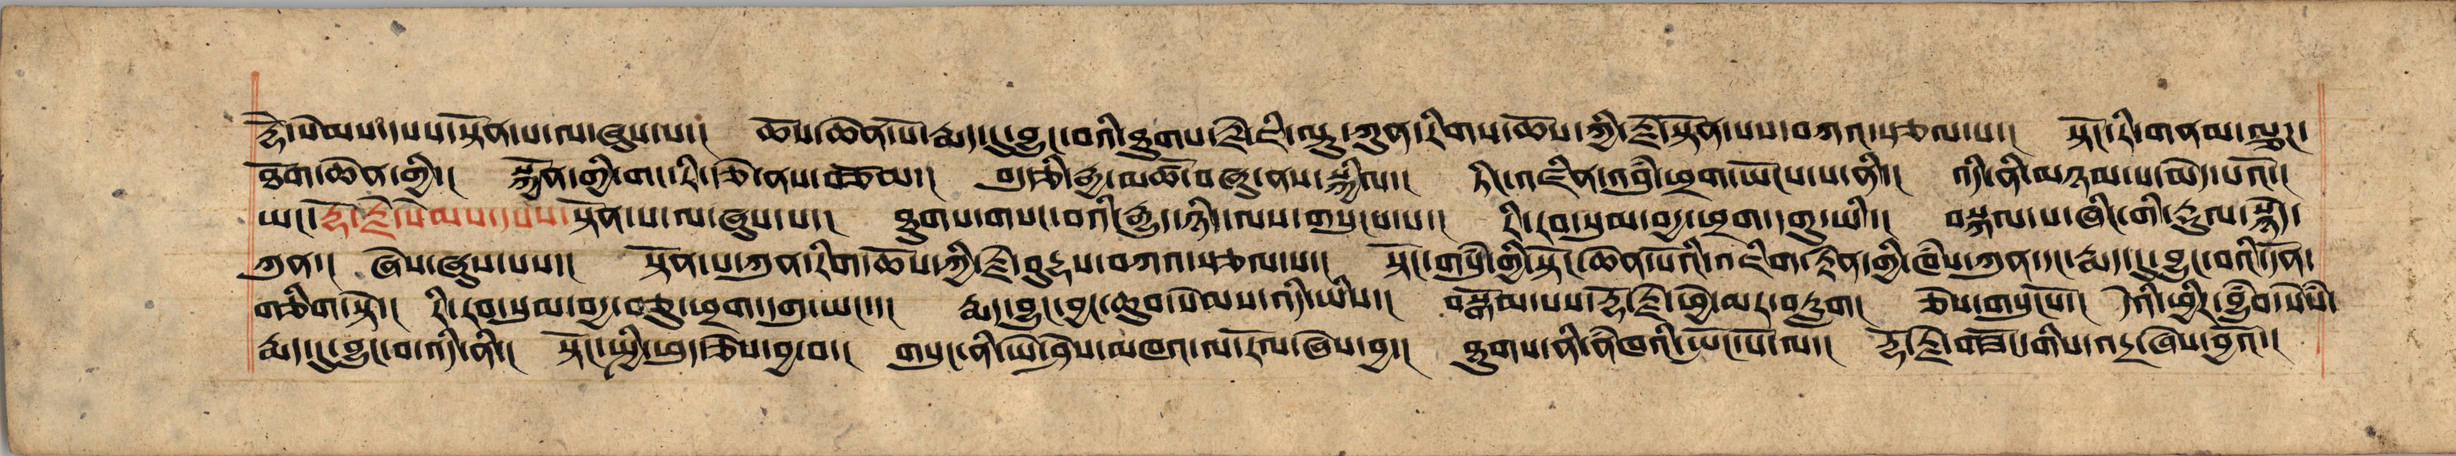རྡོེ་སེམས་དསས་སྟོན་པ་ལ་ཞུས་པ་། ཆོས་ཆེན་པོ་རྨད་དུ་བྱུང་བའི་ཐུགས་རྗེ་ཇི་ལྟུ་ཀུན་རིགས་ཆོས་ཀྱི་རྗེ་སྟོན་པས་བཀའ་སྩལ་པ་། སྟོང་རི་གནམ་ལྕཌ་
ཐོག་ཆེན་གྱི་། སྐྱོན་གྱི་གང་རི་རྩེ་ནས་བཅོམ་། བདུརྩི་རྒྱ་མཚོ་བཞུ་ནས་སྐྱིལ་། ཏིང་འཛིན་འབུཾ་ཕྲག་ཡོངས་པ་ནི་། འདི་ནི་མཉམ་པ་མེད་པའོ་།
ཡང་རྡོ་རྗེ་སེམས་དཔས་སྟོན་པ་ལ་ཞུས་པ་། ཐུགས་གསང་བའི་རྒྱུད་ཉིད་ལས་གསུངས་པ་། རི་རབ་སུམ་བདྱ་ཕྱག་དགུ་ཡི་། བསྐལ་པ་ཞིང་གི་རྡུལ་སྙེད་
ཀུན་། ཞེས་ཞུས་པས་། སྟོན་པ་ཀུན་རིག་ཆོས་ཀྱི་རྗེ་བུདྷས་བཀའ་སྩལ་པ་། སྟོང་གསུཾ་གྱི་སྟོང་ཆེན་པོའི་འཇིག་རྟེན་གྱི་ཁཾས་ཀུན་དང་རྨད་དུ་བྱུང་བའི་དོན་
གཅིག་སྟེ་། རི་རབ་སུམ་བདྱ་བཅུ་ཕྲག་དགུ་ཡང་་། རྨད་བྱུང་བྱང་ཆུབ་སེམས་འདི་ཡིས་། བསྒོམ་པས་རྡོ་རྗེ་ཕྱེ་མར་བརླག། ཅེས་གསུངསོ་། དེའི་ཕྱིར་བྱུཾབ་སེཾས་
རྨད་དུ་བྱུང་བ་འདི་ནི་། སྟོང་སྤྱི་ཕུད་ཅེས་བྱ་བ་། གསུང་ནི་ཡེ་ཤེས་མཁའ་ལ་རོལ་ཞེས་བྱ་། ཐུགས་ནི་ནཾཁའི་སྤོང་པོ་ལ་། རྡོ་རྗེ་གཟོང་གིས་འདྲ་ཞེས་བྱའོ་།